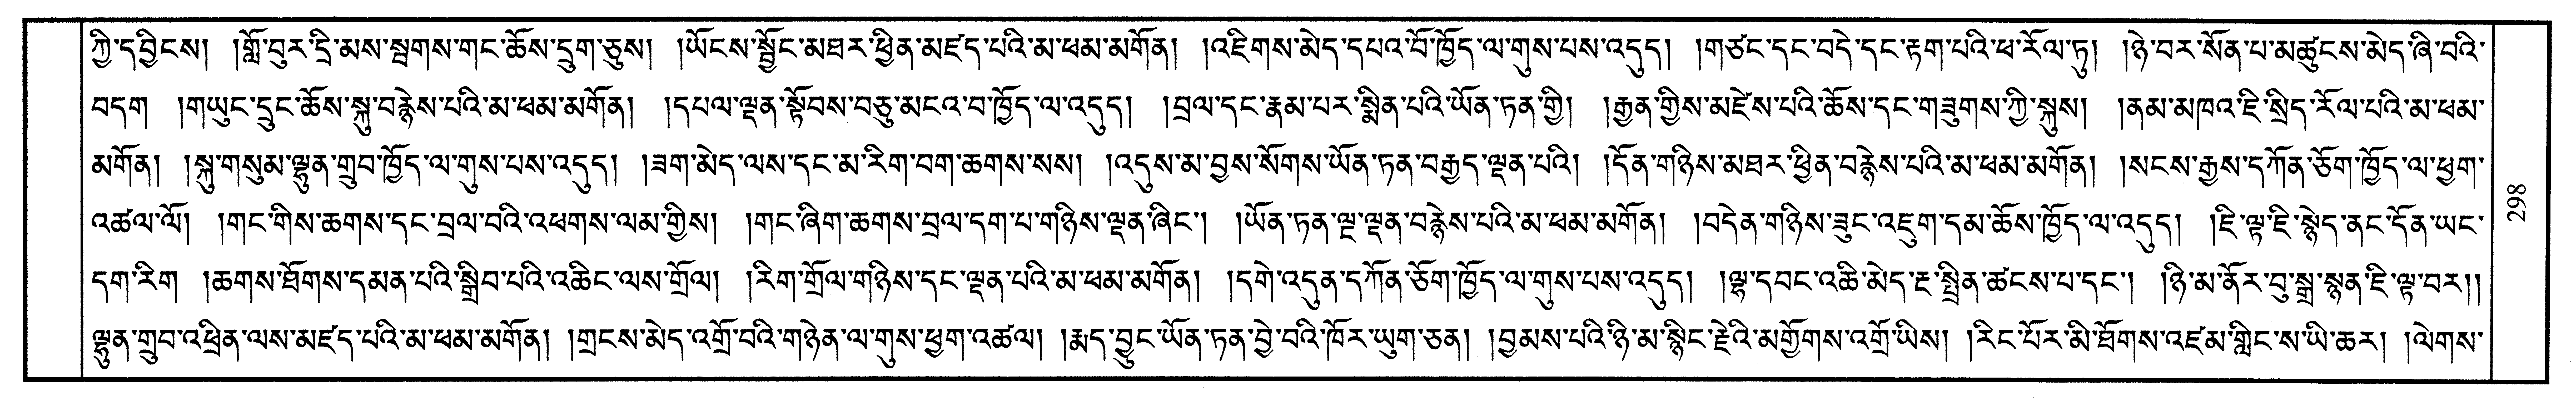ཀྱི་དབྱིངས། །གློ་བུར་དྲི་མས་སྦགས་གང་ཆོས་དྲུག་ཅུས། །ཡོངས་སྦྱོང་མཐར་ཕྱིན་མཛད་པའི་མ་ཕམ་མགོན། །འཇིགས་མེད་དཔའ་བོ་ཁྱོད་ལ་གུས་པས་འདུད། །གཙང་དང་བདེ་དང་རྟག་པའི་ཕ་རོལ་ཏུ། །ཉེ་བར་སོན་པ་མཚུངས་མེད་ཞི་བའི་
བདག །གཡུང་དྲུང་ཆོས་སྐུ་བརྙེས་པའི་མ་ཕམ་མགོན། །དཔལ་ལྡན་སྟོབས་བཅུ་མངའ་བ་ཁྱོད་ལ་འདུད། །བྲལ་དང་རྣམ་པར་སྨིན་པའི་ཡོན་ཏན་གྱི། །རྒྱན་གྱིས་མཛེས་པའི་ཆོས་དང་གཟུགས་ཀྱི་སྐུས། །ནམ་མཁའ་ཇི་སྲིད་རོལ་པའི་མ་ཕམ་
མགོན། །སྐུ་གསུམ་ལྷུན་གྲུབ་ཁྱོད་ལ་གུས་པས་འདུད། །ཟག་མེད་ལས་དང་མ་རིག་བག་ཆགས་སས། །འདུས་མ་བྱས་སོགས་ཡོན་ཏན་བརྒྱད་ལྡན་པའི། །དོན་གཉིས་མཐར་ཕྱིན་བརྙེས་པའི་མ་ཕམ་མགོན། །སངས་རྒྱས་དཀོན་ཅོག་ཁྱོད་ལ་ཕྱག་
འཚལ་ལོ། །གང་གིས་ཆགས་དང་བྲལ་བའི་འཕགས་ལམ་གྱིས། །གང་ཞིག་ཆགས་བྲལ་དག་པ་གཉིས་ལྡན་ཞིང་། །ཡོན་ཏན་ལྔ་ལྡན་བརྙེས་པའི་མ་ཕམ་མགོན། །བདེན་གཉིས་ཟུང་འཇུག་དམ་ཆོས་ཁྱོད་ལ་འདུད། །ཇི་ལྟ་ཇི་སྙེད་ནང་དོན་ཡང་
དག་རིག །ཆགས་ཐོགས་དམན་པའི་སྒྲིབ་པའི་འཆིང་ལས་གྲོལ། །རིག་གྲོལ་གཉིས་དང་ལྡན་པའི་མ་ཕམ་མགོན། །དགེ་འདུན་དཀོན་ཅོག་ཁྱོད་ལ་གུས་པས་འདུད། །ལྷ་དབང་འཆི་མེད་རྔ་སྤྲིན་ཚངས་པ་དང་། །ཉི་མ་ནོར་བུ་སྒྲ་སྙན་ཇི་ལྟ་བར།།
ལྷུན་གྲུབ་འཕྲིན་ལས་མཛད་པའི་མ་ཕམ་མགོན། །གྲངས་མེད་འགྲོ་བའི་གཉེན་ལ་གུས་ཕྱག་འཚལ། །རྨད་བྱུང་ཡོན་ཏན་བྱེ་བའི་ཁོར་ཡུག་ཅན། །བྱམས་པའི་ཉི་མ་སྙིང་རྗེའི་མགྱོགས་འགྲོ་ཡིས། །རིང་པོར་མི་ཐོགས་འཛམ་གླིང་ས་ཡི་ཆར། །ལེགས་